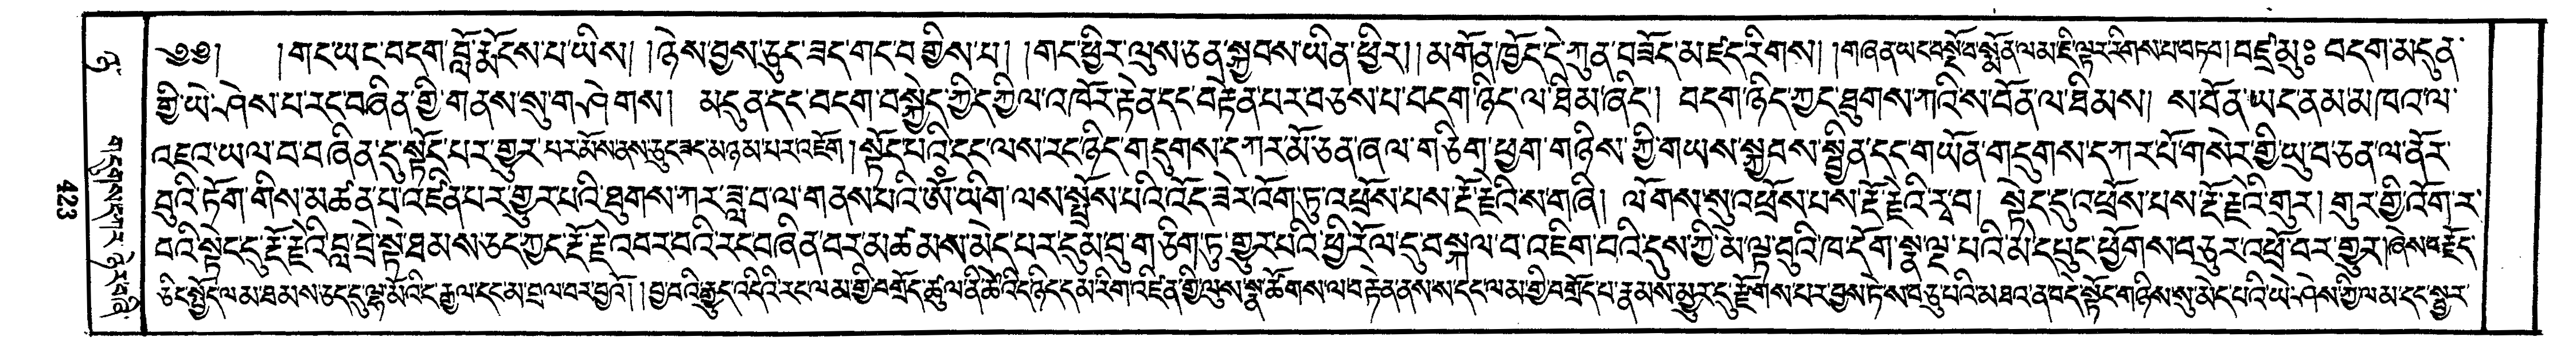༄༅། །གང་ཡང་བདག་བློ་རྨོངས་པ་ཡིས། །ཉེས་བྱས་ཅུང་ཟད་གང་བ་གྱིས་པ། །གང་ཕྱིར་ལུས་ཅན་སྐྱབས་ཡིན་ཕྱིར། །མགོན་ཁྱོད་དེ་ཀུན་བཟོད་མཛད་རིགས། །གཞན་ཡང་བསྔོ་བ་སྨོན་ལམ་ཇི་ལྟར་རིགས་པ་བཏབ།  བཛྲ་མུཿ བདག་མདུན་
གྱི་ཡེ་ཤེས་པ་རང་བཞིན་གྱི་གནས་སུ་གཤེགས། མདུན་དང་བདག་བསྐྱེད་ཀྱི་དཀྱིལ་འཁོར་རྟེན་དང་བརྟེན་པར་བཅས་པ་བདག་ཉིད་ལ་ཐིམ་ཞིང་། བདག་ཉིད་ཀྱང་ཐུགས་ཀའི་ས་བོན་ལ་ཐིམས། ས་བོན་ཡང་ནམ་མཁའ་ལ་
འཇའ་ཡལ་བ་བཞིན་དུ་སྟོང་པར་གྱུར་པར་མོས་ནས་ཅུང་ཟད་མཉམ་པར་འཇོག་།སྟོང་པའི་ངང་ལས་རང་ཉིད་གདུགས་དཀར་མོ་ཅན་ཞལ་གཅིག་ཕྱག་གཉིས་ཀྱི་གཡས་སྐྱབས་སྦྱིན་དང་གཡོན་གདུགས་དཀར་པོ་གསེར་གྱི་ཡུ་བཅན?་ལ་ནོར་
བུའི་ཏོག་གིས་མཚན་པ་འཛིན་པར་གྱུར་པའི་ཐུགས་ཀར་ཟླ་བ་ལ་གནས་པའི་ཨོཾ་ཡིག་ལས་སྤྲོས་པའི་འོད་ཟེར་འོག་ཏུ་འཕྲོས་པས་རྡོ་རྗེའི་ས་གཞི། ལོགས་སུ་འཕྲོས་པས་རྡོ་རྗེའི་རྭ་བ། སྟེང་དུ་འཕྲོས་པས་རྡོ་རྗེའི་གུར། གུར་གྱི་འོག་ར་
བའི་སྟེང་དུ་རྡོ་རྗེའི་བླ་བྲེ་སྟེ་ཐམས་ཅད་ཀྱང་རྡོ་རྗེ་འབར་བའི་རང་བཞིན་བར་མཚམས་མེད་པར་དུམ་བུ་གཅིག་ཏུ་གྱུར་པའི་ཕྱི་རོལ་དུ་བསྐལ་པ་འཇིག་པའི་དུས་ཀྱི་མེ་ལྟ་བུའི་ཁ་དོག་སྣ་ལྔ་པའི་མེ་དཔུང་ཕྱོགས་བཅུར་འཕྲོ་བར་གྱུར། ཞེས་བརྗོད་
ཅིད་སྤྱོད་ལམ་ཐམས་ཅད་དུ་ལྷ་མོའི་ང་རྒྱལ་དང་མ་བྲལ་བར་བྱའོ། །བྱ་བའི་རྒྱུད་འདིའི་རང་ལམ་གྱི་བགྲོད་ཚུལ་ནི་ཚེ་འདི་ཉིད་དམ་རིག་འཛིན་གྱི་ལུས་སྣ་ཚོགས་ལ་བརྟེན་ནས་ས་དང་ལམ་གྱི་བགྲོད་བ་རྣམས་མྱུར་དུ་རྫོགས་པར་བྱས་ཏེ་ས་བཅུ་པའི་མཐའ་ན་བདེ་སྟོང་གཉིས་སུ་མེད་པའི་ཡེ་ཤེས་ཀྱི་ལམ་དང་སྦྱར་